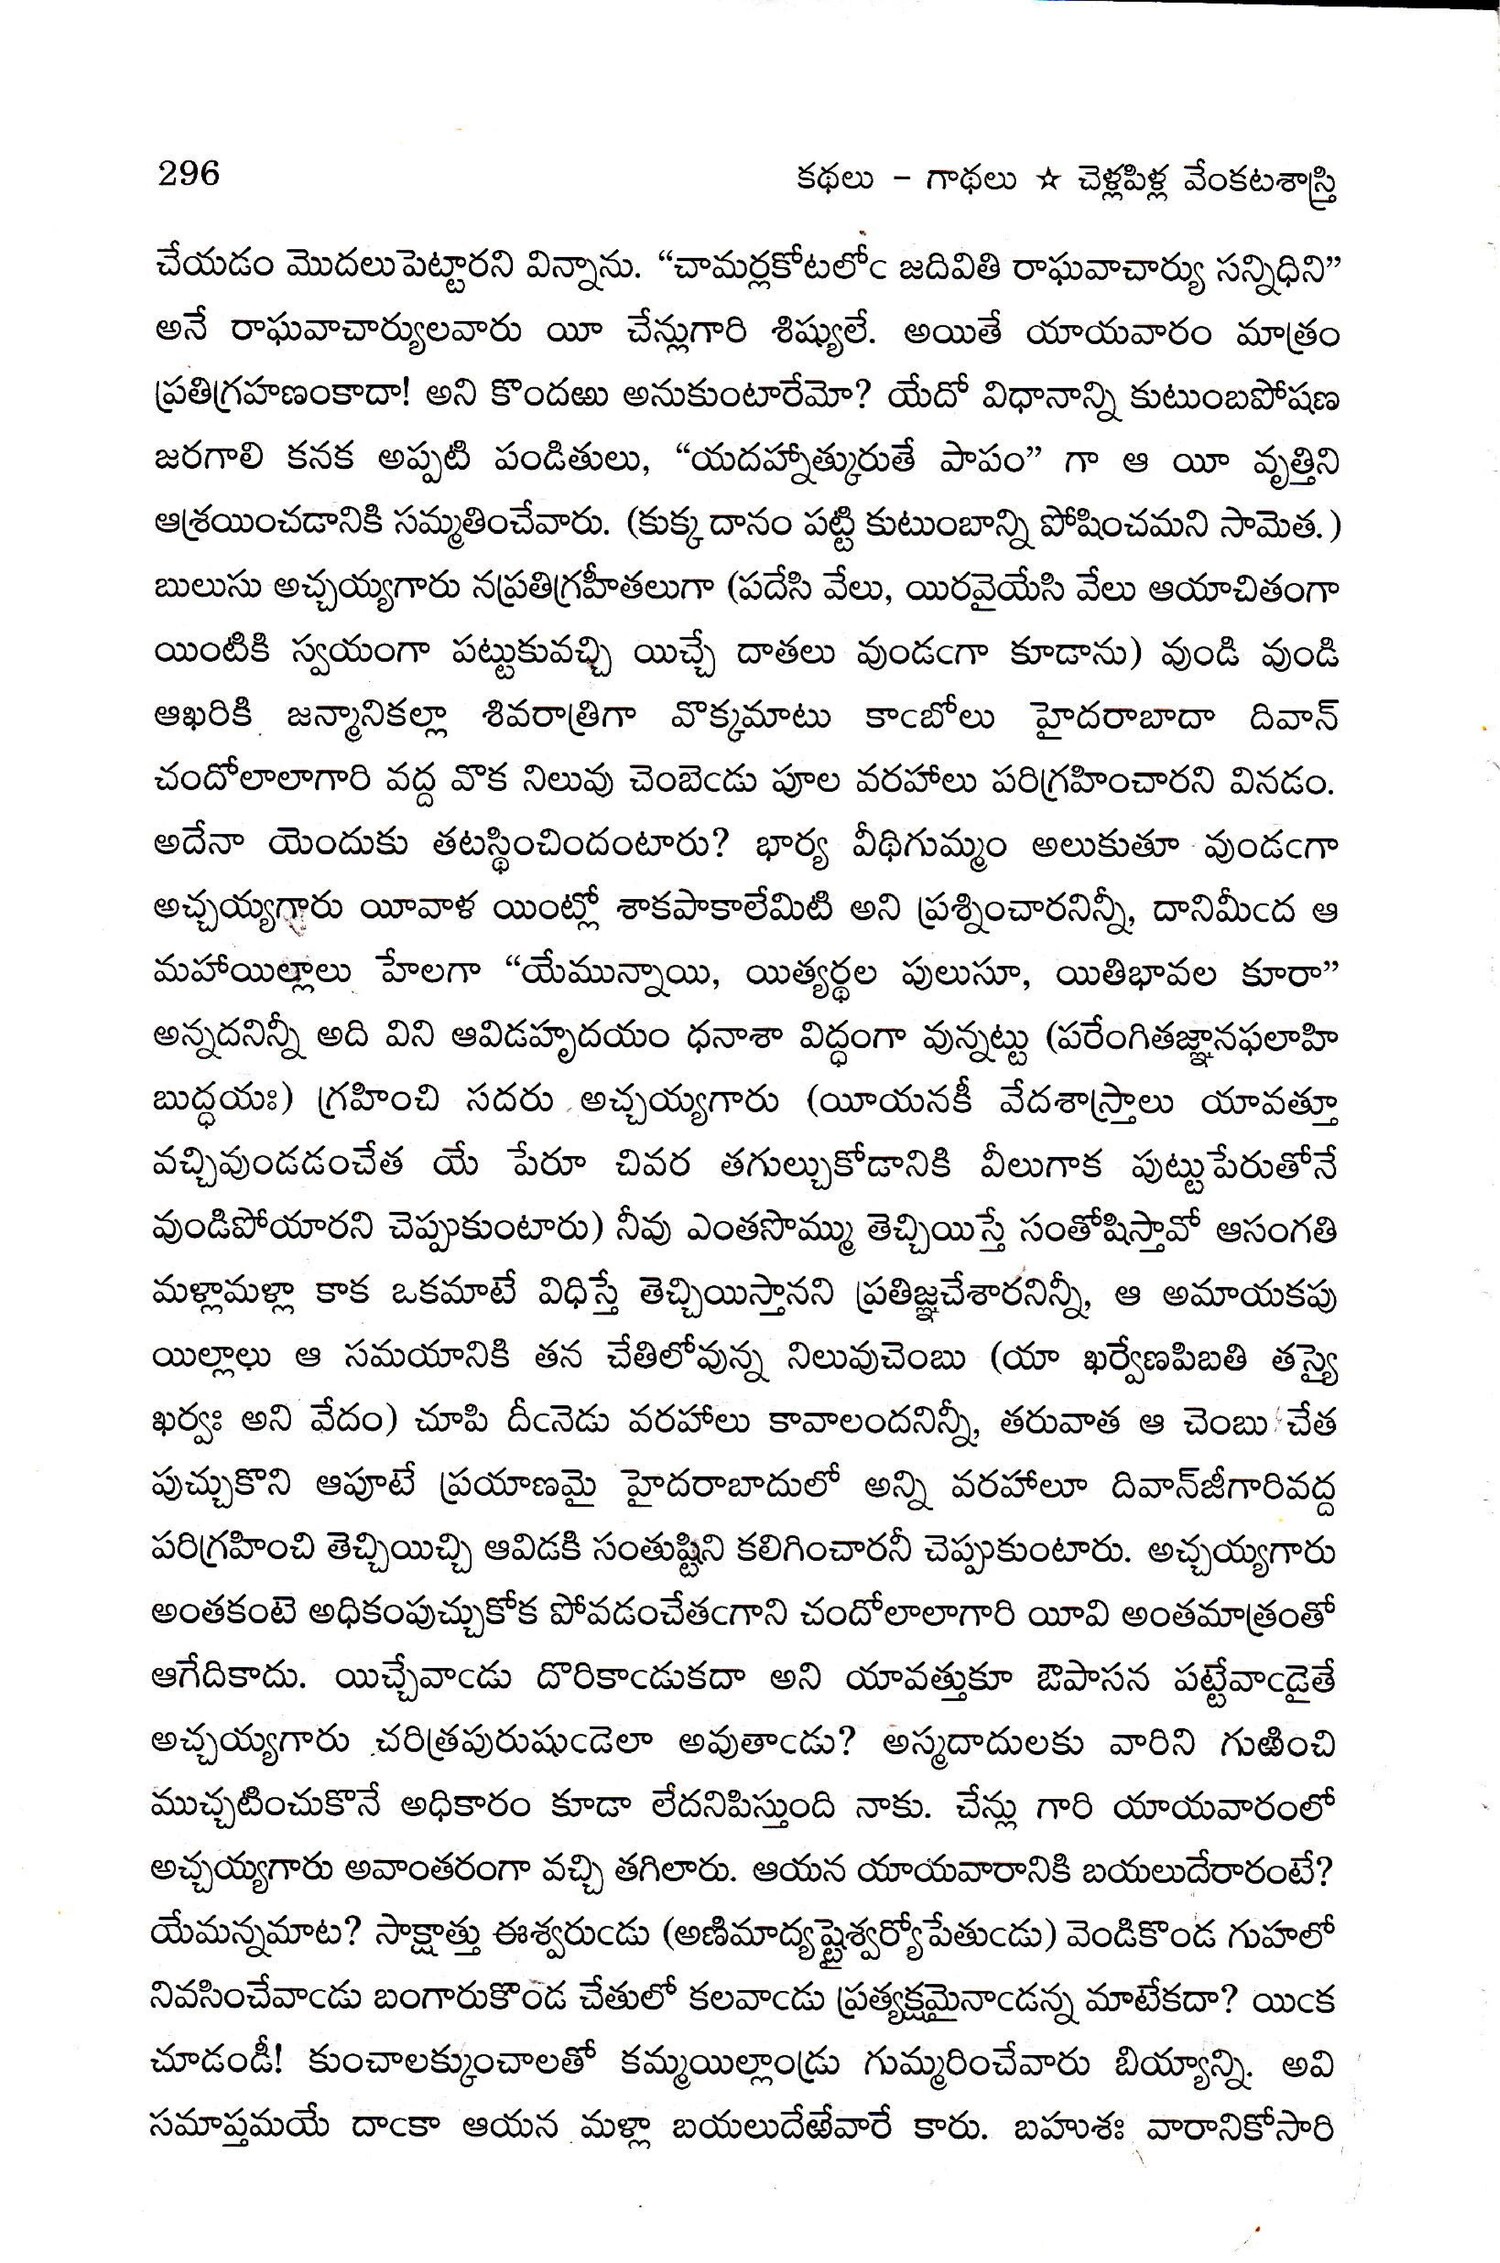చేయడం మొదలుపెట్టారని విన్నాను. “చామర్లకోటలోఁ జదివితి రాఘవాచార్యు సన్నిధిని" అనే రాఘవాచార్యులవారు యీ చేన్లుగారి శిష్యులే. అయితే యాయవారం మాత్రం ప్రతిగ్రహణంకాదా! అని కొందఱు అనుకుంటారేమో? యేదో విధానాన్ని కుటుంబపోషణ జరగాలి కనక అప్పటి పండితులు, “యదహ్నాత్కురుతే పాపం" గా ఆ యీ వృత్తిని ఆశ్రయించడానికి సమ్మతించేవారు. (కుక్కదానం పట్టి కుటుంబాన్ని పోషించమని సామెత.) బులుసు అచ్చయ్యగారు నప్రతిగ్రహీతలుగా (పదేసి వేలు, యిరవైయేసి వేలు ఆయాచితంగా యింటికి స్వయంగా పట్టుకువచ్చి యిచ్చే దాతలు వుండఁగా కూడాను) వుండి వుండి ఆఖరికి జన్మానికల్లా శివరాత్రిగా వొక్కమాటు కాఁబోలు హైదరాబాదా దివాన్ చందోలాలాగారి వద్ద వొక నిలువు చెంబెఁడు పూల వరహాలు పరిగ్రహించారని వినడం. అదేనా యెందుకు తటస్థించిందంటారు? భార్య వీథిగుమ్మం అలుకుతూ వుండఁగా అచ్చయ్యగారు యీవాళ యింట్లో శాకపాకాలేమిటి అని ప్రశ్నించారనిన్నీ దానిమీఁద ఆ మహాయిల్లాలు హేలగా “యేమున్నాయి, యిత్యర్థల పులుసూ, యితిభావల కూరా" అన్నదనిన్నీ అది విని ఆవిడహృదయం ధనాశా విద్ధంగా వున్నట్టు (పరేంగితజ్ఞానఫలాహి బుద్ధయః) గ్రహించి సదరు అచ్చయ్యగారు (యీయనకీ వేదశాస్త్రాలు యావత్తూ వచ్చివుండడంచేత యే పేరూ చివర తగుల్చుకోడానికి వీలుగాక పుట్టు పేరుతోనే వుండిపోయారని చెప్పకుంటారు) నీవు ఎంతసొమ్ము తెచ్చియిస్తే సంతోషిస్తావో ఆసంగతి మళ్లామళ్లా కాక ఒకమాటే విధిస్తే తెచ్చియిస్తానని ప్రతిజ్ఞచేశారనిన్నీ ఆ అమాయకపు యిల్లాలు ఆ సమయానికి తన చేతిలోవున్న నిలువుచెంబు (యా ఖర్వేణపిబతి తస్యైఖర్వః అని వేదం) చూపి దీఁనెడు వరహాలు కావాలందనిన్నీ తరువాత ఆ చెంబు చేత పుచ్చుకొని ఆపూటే ప్రయాణమై హైదరాబాదులో అన్ని వరహాలూ దివాన్‌జీగారివద్ద పరిగ్రహించి తెచ్చియిచ్చి ఆవిడకి సంతుష్టిని కలిగించారనీ చెప్పుకుంటారు. అచ్చయ్యగారు అంతకంటె అధికంపుచ్చుకోక పోవడంచేతంగాని చందోలాలాగారి యీవి అంతమాత్రంతో ఆగేదికాదు. యిచ్చేవాఁడు దొరికాఁడుకదా అని యావత్తుకూ ఔపాసన పట్టేవాఁడైతే అచ్చయ్యగారు చరిత్రపురుషుఁడెలా అవుతాఁడు? అస్మదాదులకు వారిని గుఱించి ముచ్చటించుకొనే అధికారం కూడా లేదనిపిస్తుంది నాకు. చేన్లు గారి యాయవారంలో అచ్చయ్యగారు అవాంతరంగా వచ్చి తగిలారు. ఆయన యాయవారానికి బయలుదేరారంటే? యేమన్నమాట? సాక్షాత్తు ఈశ్వరుఁడు (అణిమాద్యష్టైశ్వర్యోపేతుఁడు) వెండికొండ గుహలో నివసించేవాఁడు బంగారుకొండ చేతులో కలవాఁడు ప్రత్యక్షమైనాcడన్నమాటేకదా? యిఁక చూడండీ! కుంచాలక్కుంచాలతో కమ్మయిల్లాండ్రు గుమ్మరించేవారు బియ్యాన్ని అవి సమాప్తమయే దాఁకా ఆయన మళ్లా బయలుదేఱేవారే కారు. బహుశః వారానికోసారి